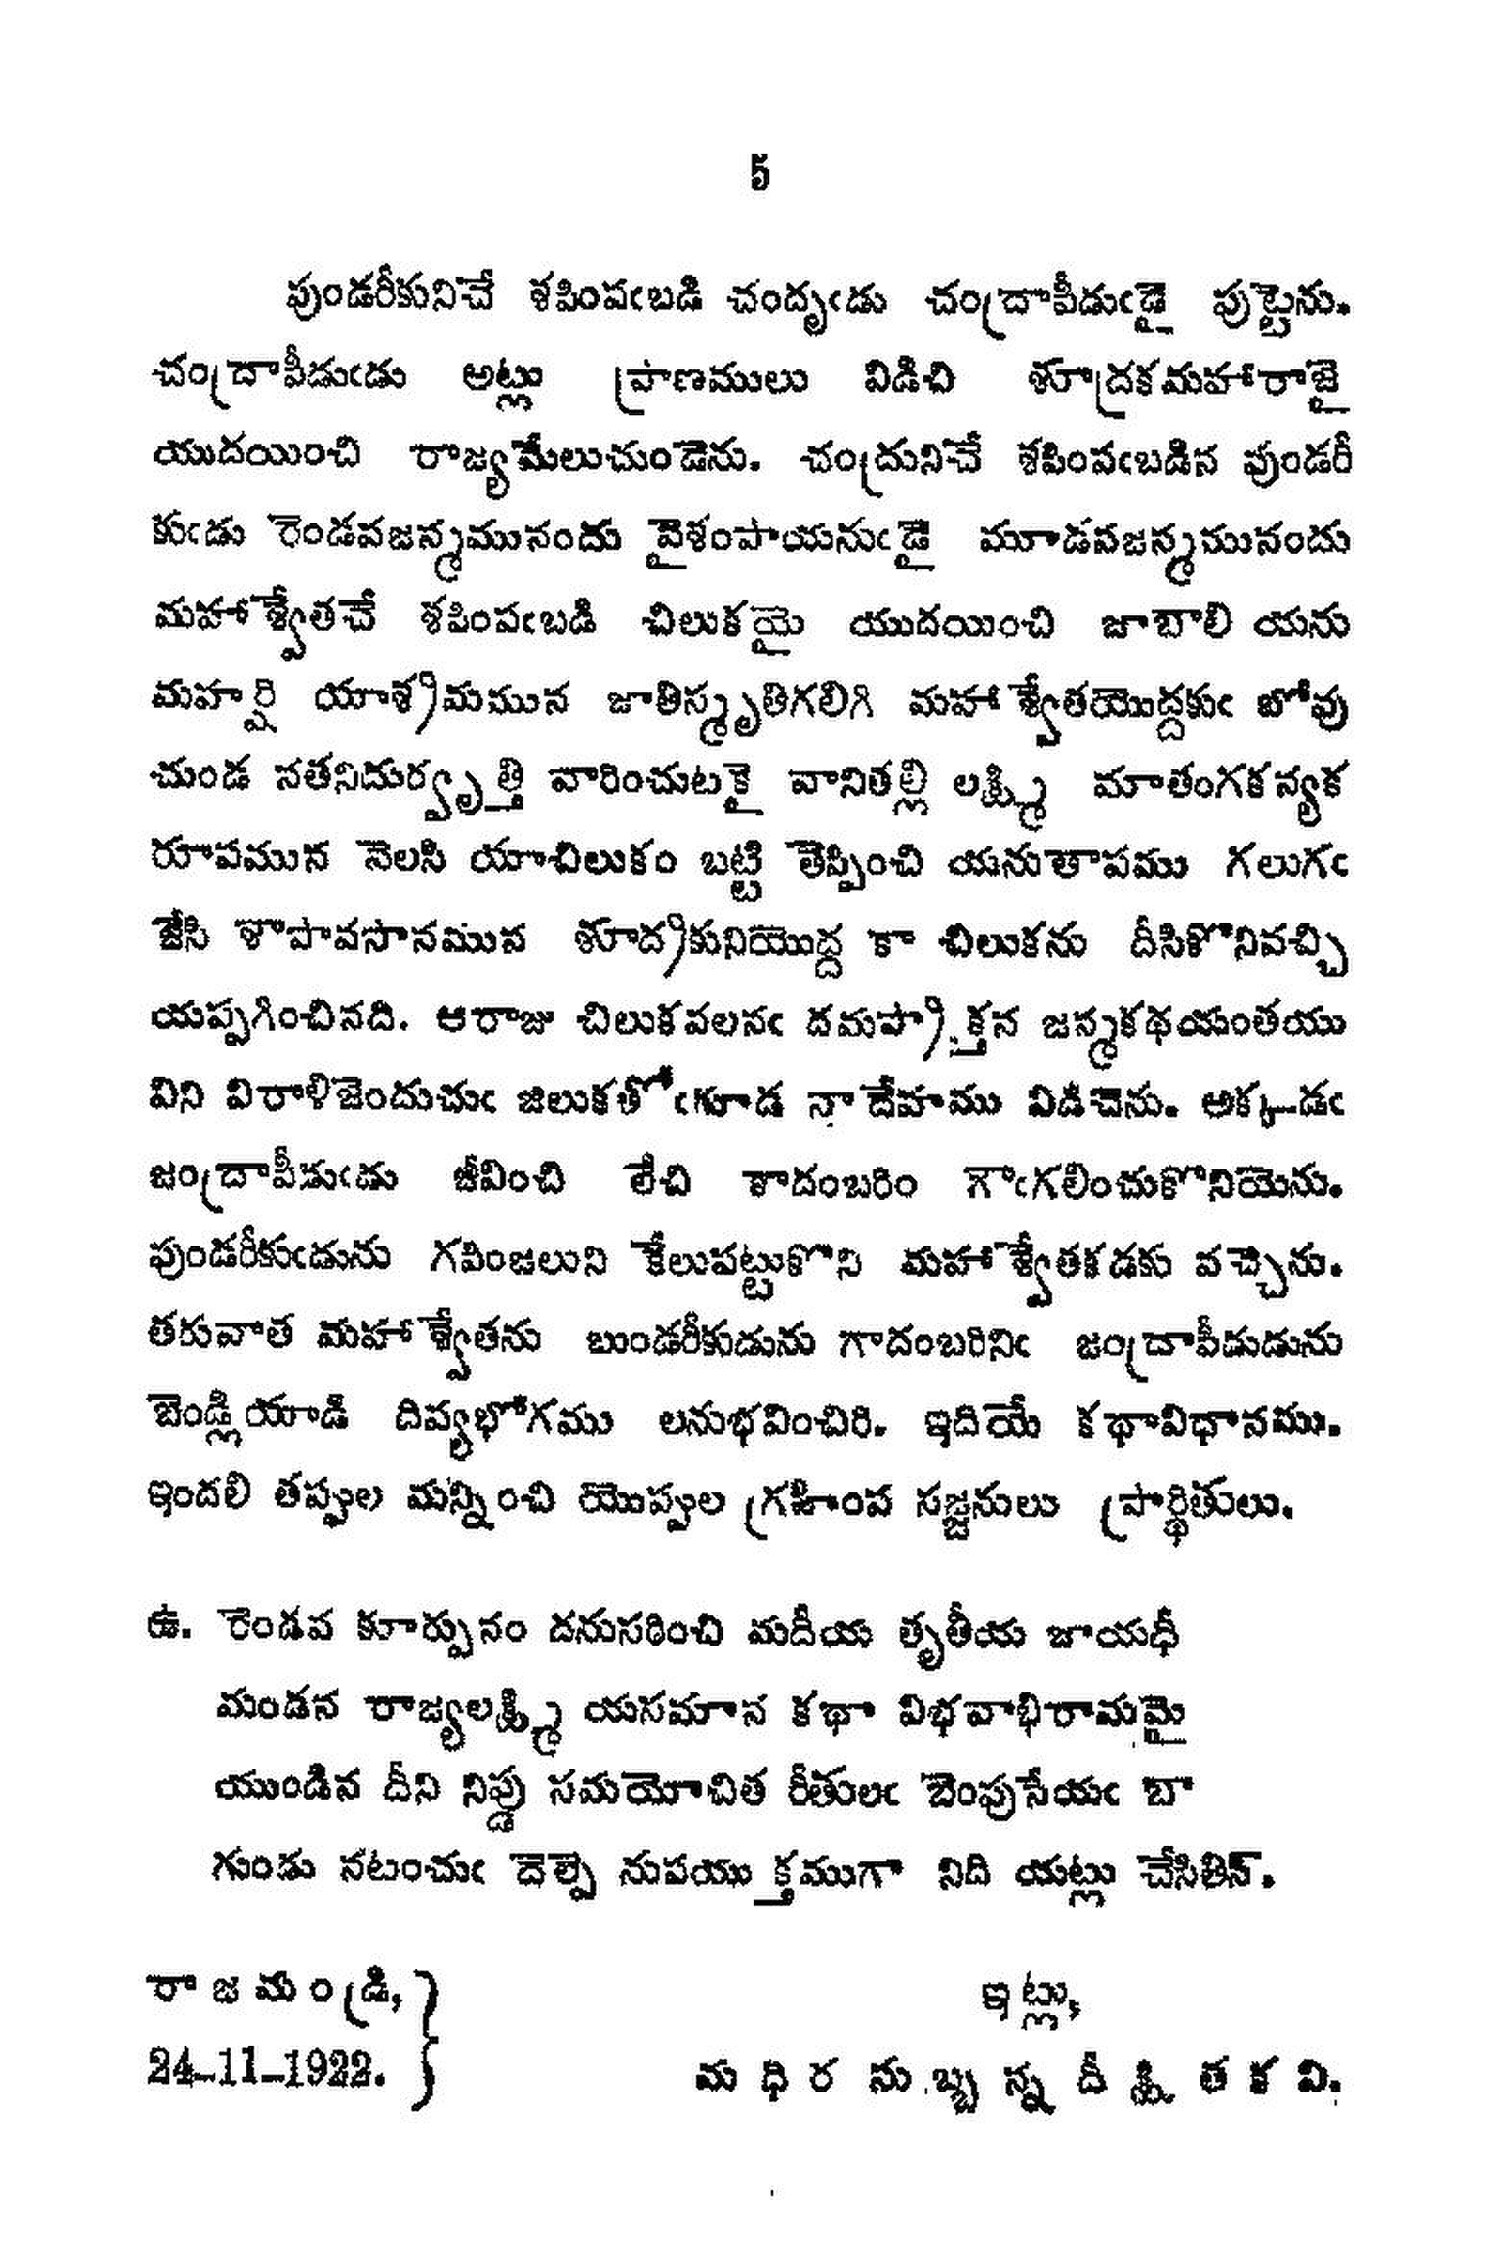పుండరీకునిచే శపింపఁబడి చందృఁడు చంద్రాపీడుఁడై పుట్టెను. చంద్రాపీడుఁడు అట్లు ప్రాణములు విడిచి శూద్రకమహారాజై యుదయించి రాజ్యమేలుచుండెను. చంద్రునిచే శపింపఁబడిన పుండరీకుఁడు రెండవజన్మమునందు వైశంపాయనుఁడై మూడవజన్మమునందు మహాశ్వేతచే శపింపఁబడి చిలుకయై యుదయించి జాబాలి యను మహర్షి యాశ్రమమున జాతిస్మృతిగలిగి మహాశ్వేతయొద్దకుఁ బోవుచుండ నతనిదుర్వృత్తి వారించుటకై వానితల్లి లక్ష్మి మాతంగకన్యక రూపమున వెలసి యాచిలుకం బట్టి తెప్పించి యనుతాపము గలుగఁ జేసి శాపావసానమున శూద్రకునియొద్ద కా చిలుకను దీసికొనివచ్చి యప్పగించినది. ఆరాజు చిలుకవలనఁ దమప్రాక్తన జన్మకథయంతయు విని విరాళిజెందుచుఁ జిలుకతోఁగూడ నాదేహము విడిచెను. అక్కడఁ జంద్రాపీడుఁడు జీవించి లేచి కాదంబరిం గౌఁగలించుకొనియెను. పుండరీకుఁడును గపింజలుని కేలుపట్టుకొని మహాశ్వేతకడకు వచ్చెను. తరువాత మహాశ్వేతను బుండరీకుడును గాదంబరినిఁ జంద్రాపీడుడును బెండ్లియాడి దివ్యభోగము లనుభవించిరి. ఇదియే కథావిధానము. ఇందలి తప్పుల మన్నించి యొప్పుల గ్రహింప సజ్జనులు ప్రార్థితులు.

ఉ. రెండవ కూర్పునం దనుసరించి మదీయ తృతీయ జాయధీ
 మండన రాజ్యలక్ష్మి యసమాన కథా విభవాభిరామమై
 యుండిన దీని నిప్డు సమయోచిత రీతులఁ బెంపుసేయఁ బా
 గుండు నటంచుఁ దెల్పె నుపయుక్తముగా నిది యట్లు చేసితిన్.